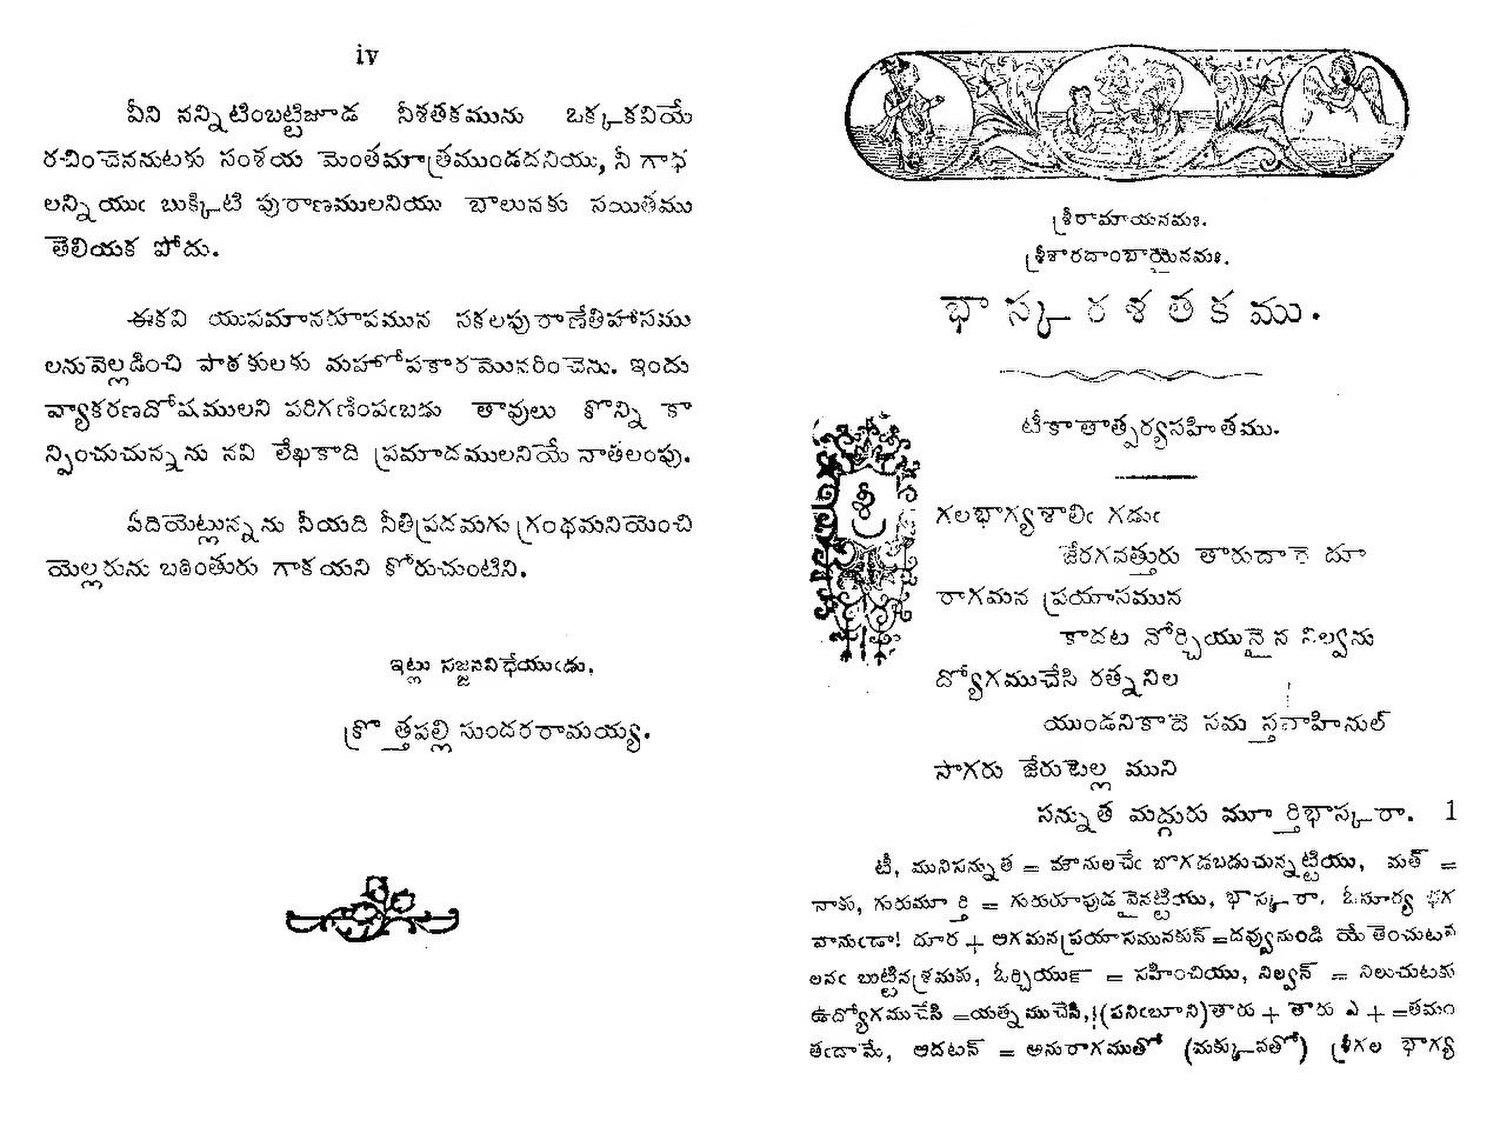వీని నన్నిటింబట్టిజూడ నీశతకమును ఒక్కకవియే చరించెననుటకు సంశయ మెంతమాత్రముండదనియు, నీ గాధలన్నియు బుక్కిటి పురాణములనియు బాలునకు సయితము తెలియక పోదు.

ఈకవి యుపమానరూపమున సకలపురాణేతిహాసములను వెల్లడించి పాఠకులకు మహోపకారమొనరించెను. ఇందు వ్యాకరణదోషములని పరిగణింపబడు తావులు కొన్ని కాన్పించుచున్నను నవి లేఖకాది ప్రమాదములనియే నాతలంపు.

ఏదియెట్లున్నను నీయది నీతిప్రదమగు గ్రంథమనియెంచి యెల్లరును బఠింతురు గాకయని కోరుచుంటిని.

ఇట్లు సజ్జన విధేయుడు.

క్రొత్తపల్లి సుందరరామయ్య.

శ్రీగల భాగ్యశాలి గడు 
 జేరగవత్తురు తారుదారె దూ
రాగమన ప్రయాసమున 
 కాదటనోర్చియునైన నిల్వ ను
ద్యోగముచేసి రత్ననిల
 యుండనికాదె సమస్తవాహినుల్
సాగరు జేరుటెల్ల ముని 
 సన్నుత మద్గురు మూర్తి భాస్కరా!